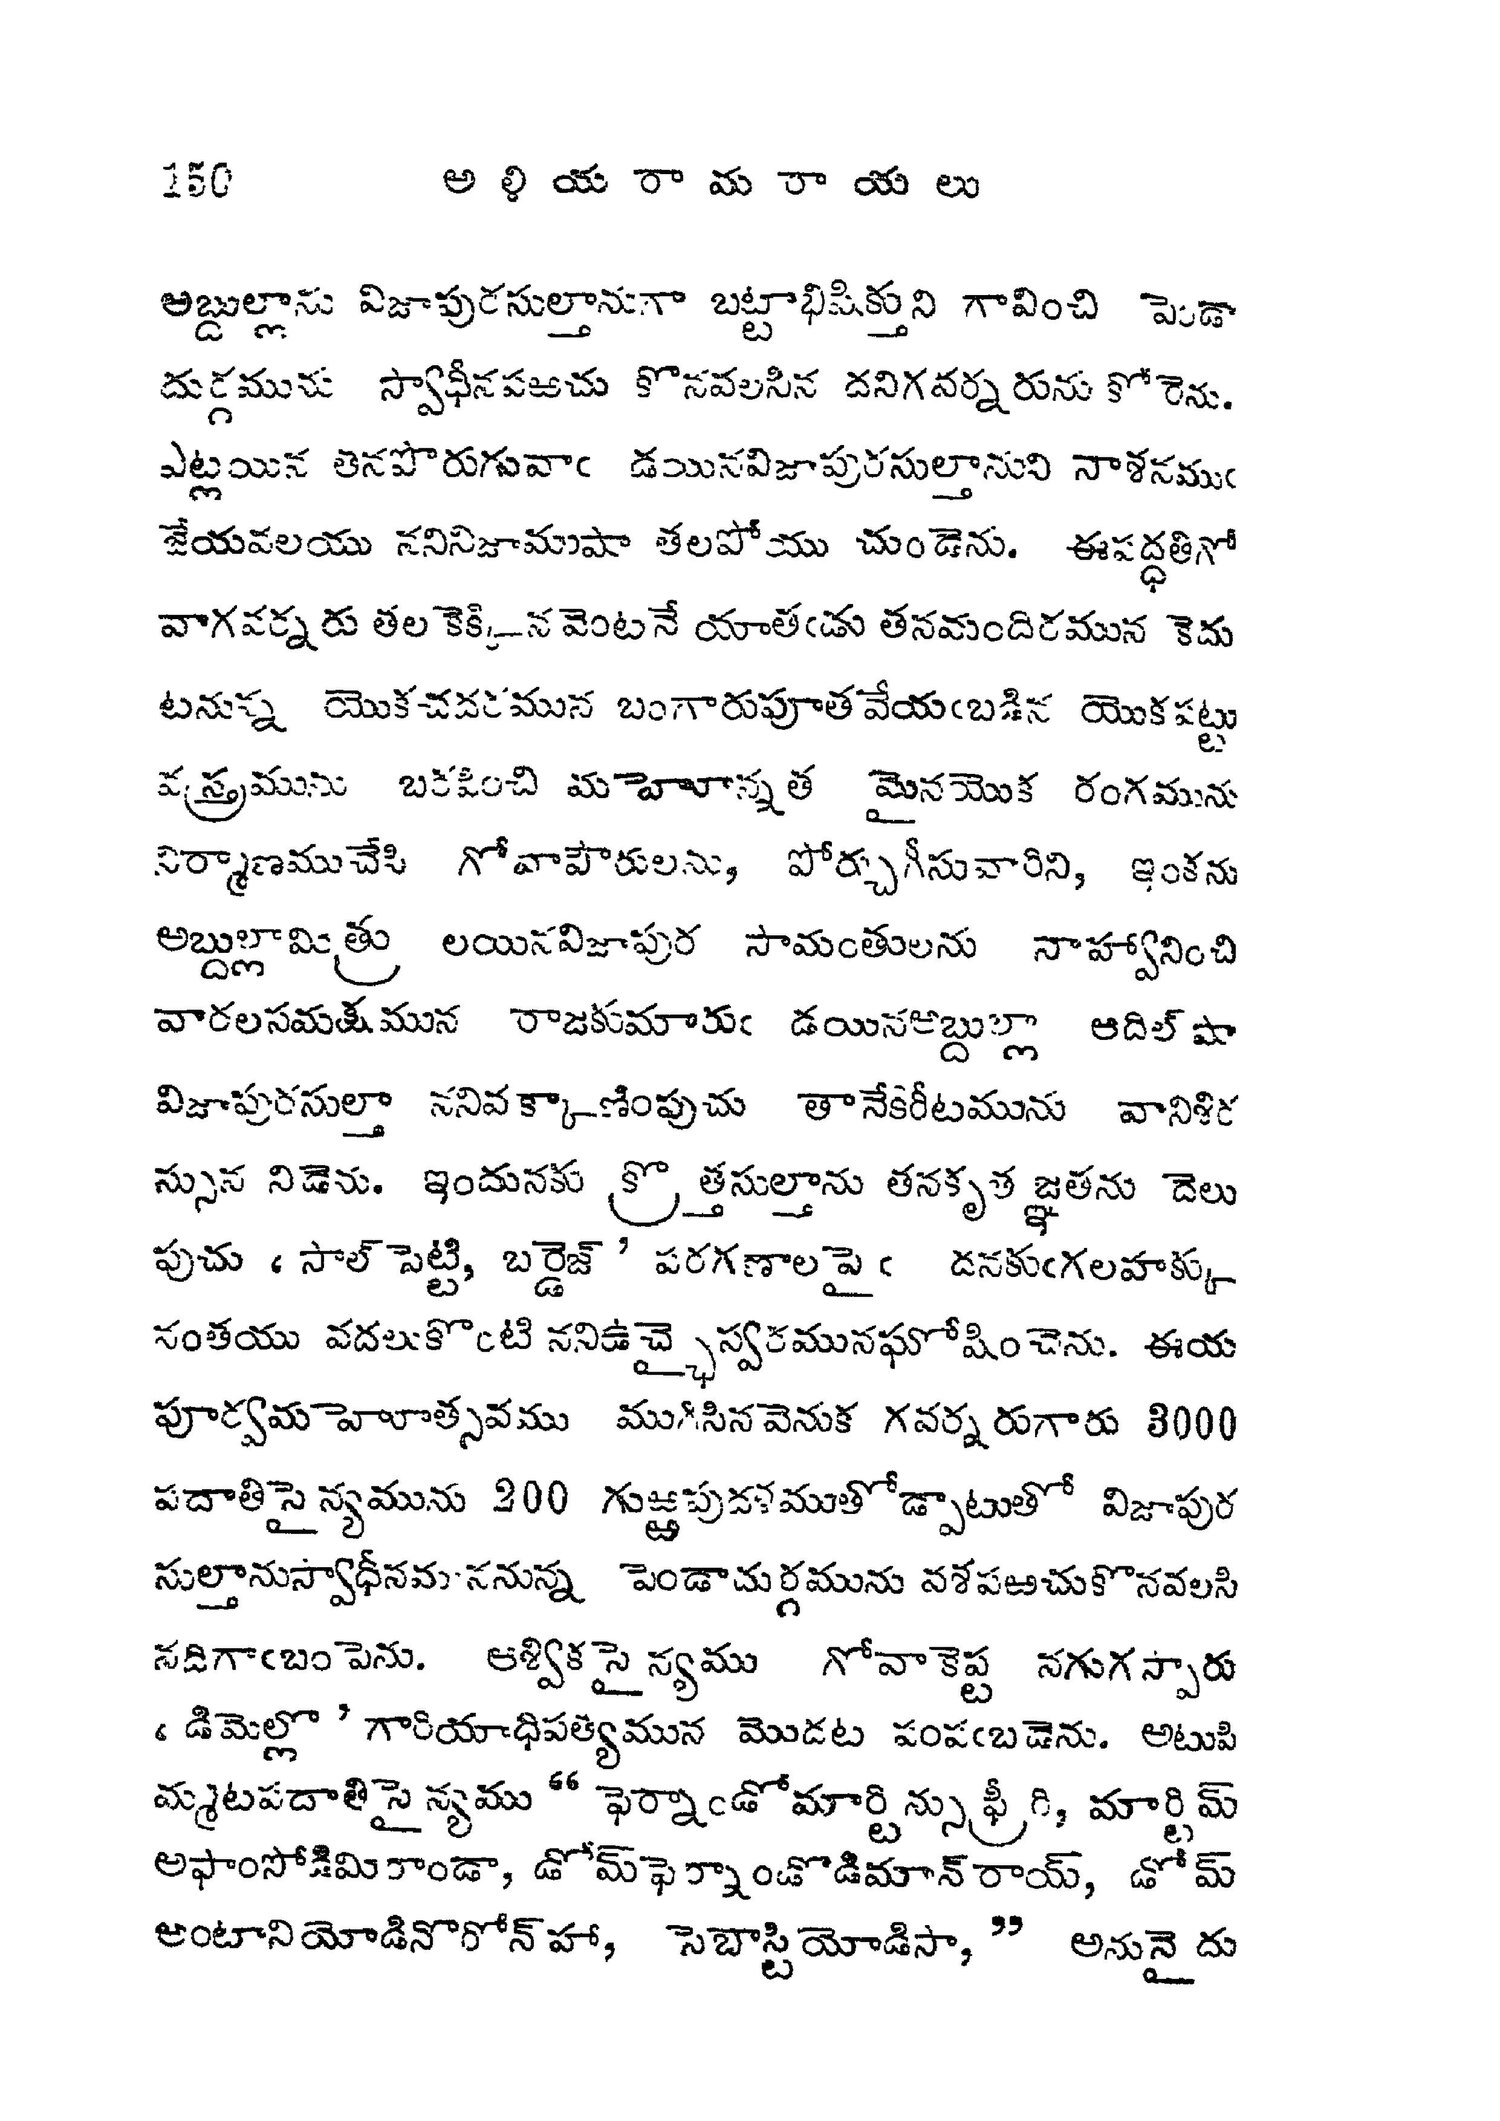అబ్దుల్లాను విజాపురసుల్తానుగా బట్టాభిషిక్తుని గావించి పెండాదుర్గమును స్వాధీనపఱచు కొనవలసిన దనిగవర్నరును కోరెను. ఎట్లయిన తనపొరుగువా డయినవిజాపురసుల్తానుని నాశనము జేయవలయు ననినిజాముషా తలపోయు చుండెను. ఈపద్ధతిగోవాగర్నరు తలకెక్కినవెంటనే యాతడు తనమందిరమున కెదుటనున్న యొకచదరమున బంగారుపూతవేయబడిన యొకపట్టువస్త్రమును బరిపించి మహోన్నత మైనయొక రంగమును నిర్మాణముచేసి గోవాపౌరులను, పోర్చుగీసువారిని, ఇంకను అబ్దుల్లామిత్రు లయినవిజాపుర సామంతులను నాహ్వానించి వారలసమక్షమున రాజకుమారు డయిన అబ్దుల్లా ఆదిల్‌షా విజాపురసుల్తా ననివక్కాణింపుచు తానేకిరీటమును వానిశిరస్సున నిడెను. ఇందునకు క్రొత్తసుల్తాను తనకృతజ్ఞతను దెలుపుచు 'సాల్ సెట్టి, బర్డెజ్‌' పరగణాలపై దనకుగలహక్కు నంతయు వదలుకొంటినని ఉచ్ఛైస్వరమునఘోషించెను. ఈయ పూర్వమహోత్సవము ముగిసినవెనుక గవర్నరుగారు 3000 పదాతిసైన్యమును 200 గుఱ్ఱపుదళముతోడ్పాటుతో విజాపురసుల్తాను స్వాధీనముననున్న పెండాదుర్గమును వశపఱచుకొనవలసినదిగాబంపెను. ఆశ్వికసైన్యము గోవాకెప్ట నగుగస్పారు 'డిమెల్లొ' గారియాధిపత్యమున మొదట పంపబడెను. అటుపిమ్మటపదాతిసైన్యము "ఫెర్నాండోమార్టిన్సుఫ్రీరి, మార్టిమ్‌అఫాంసోడిమిరాండా, డోమ్‌ఫెర్నాండొమాన్‌రాయ్, డోమ్‌అంటానియోడినొరోన్‌హా, సెబాస్టియోడిసా," అనునైదు